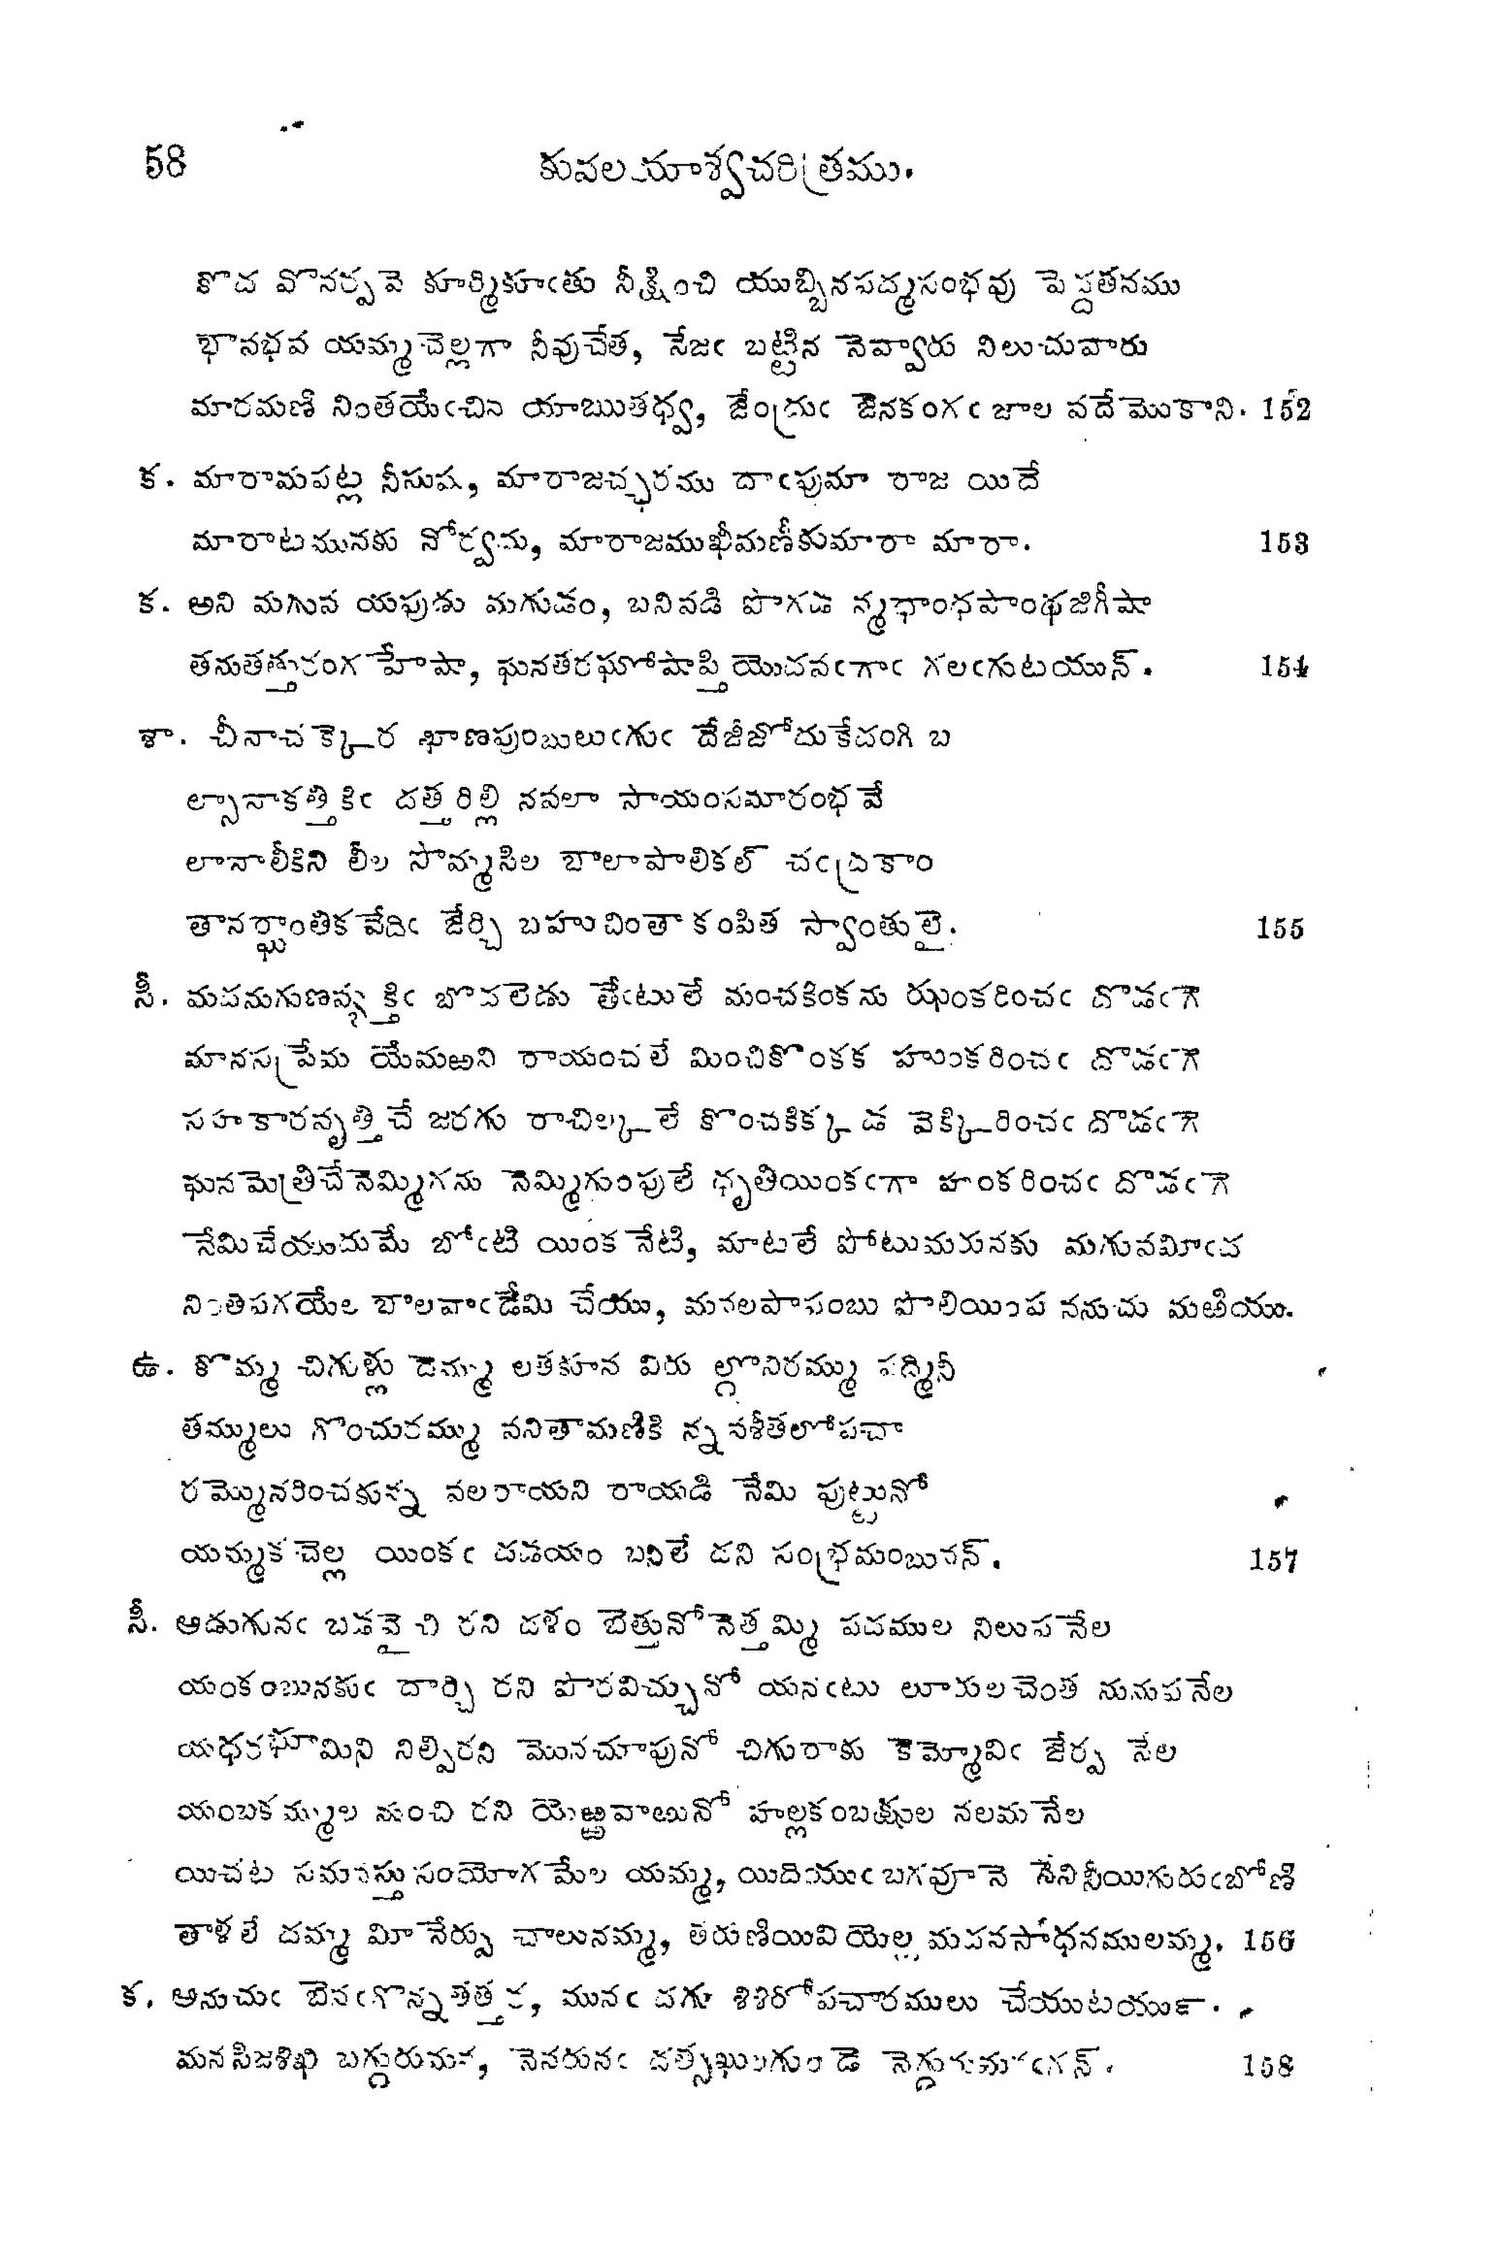కొద వొనర్పవె కూర్మికూఁతు నీక్షించి యుబ్బిన పద్మసంభవు పెద్దతనము
భావభవ యమ్మచెల్లగా నీవు చేత, సేజఁ బట్టిన నెవ్వారు నిలుచువారు
మారమణి నింతయేఁచిన యాఋతధ్వ, జేంద్రుఁ జెనకంగఁజాల వదేమొకాని.
క. మారామపట్ల నీసుష, మారాజచ్ఛరము దాఁపుమా రాజ యిదే
మారాటమునకు నోర్వదు, మారాజముఖీమణీకుమారా మారా.
క. అని మగువ యపుడు మగుడం, బని వడి పొగడ న్మధాంధపాంథజిగీషా
తనుతత్తురంగహేషా, ఘనతరఘోషాప్తి యొదవఁగాఁ గలఁగుటయున్.
శా. చీనాచక్కెర ఖాణపుంబులుఁగుఁ దేజీజోదుకేదంగి బ
ల్సానాకత్తికిఁ దత్తరిల్లి నవలాసాయంసమారంభవే
లానాలీకినిలీల సొమ్మసిల బాలాపాలికల్ చంద్రకాం
తానర్ఘాంతికవేదిఁ జేర్చి బహుచింతాకంపితస్వాంతులై.
సీ. మదనుగుణవ్యక్తిఁ బొదలెడు తేఁటులే మంచకింకను ఝంకరించఁ దొడఁగె
మానసప్రేమ యేమఱని రాయంచ లే మించికొంకక హుకరించఁ దొడఁగె
సహకారవృత్తిచే జరగు రాచిల్కలే కొంచకిక్కడ వెక్కిరించఁ దొడఁగె
ఘనమెత్రిచే నెమ్మిగను నెమ్మిగుంపులే ధృతియింకఁగా హంకరించఁ దొడఁగె
నేమి చేయుదుమే బోఁటి యింక నేటి, మాటలే పోటు మరునకు మగువమీఁద
నింతపగ యేల బాలవాఁ డేమి చేయు, మనలపాపంబు పొలియింప ననుచు మఱియు.
ఉ. కొమ్మ చిగుళ్లు దెమ్మలతకూన విరు ల్గొనిరమ్ము పద్మినీ
తమ్ములు గొంచురమ్ము వనితామణికి న్ననశీతలోపచా
ర మ్మొనరించకున్న వలరాయని రాయడి నేమి పుట్టునో
యమ్మకచెల్ల యింకఁ దడయం బనిలేదని సంభ్రమంబునన్.
సీ. ఆడుగునఁ బడవైచి రని దళం బెత్తునో నెత్తమ్మి పదముల నిలుప నేల
యంకంబునకుఁ దార్చి రని పొరవిచ్చునో యనఁటు లూరులచెంత నునుప నేల
యధరభూమిని నిల్పిరని మొనచూపునో చిగురాకు కెమ్మోవిఁ జేర్ప నేల
యంబకమ్ముల నుంచి రని యెఱ్ఱవాఱునో హల్లకం బక్షుల నలమ నేల
యిచట సమవస్తుసంయోగ మేల యమ్మ, యిదియుఁ బగవూనేె నేని నీయిగురుఁబోణి
తాళలే దమ్మ మీనేర్పు చాలునమ్మ, తరుణి యివి యెల్ల మదనసాధనము లమ్మ.
క. అనుచుఁ బెనఁగొన్న తత్తర, మునఁ దగు శిశిరోపచారములు చేయుటయున్
మనసిజశిఖ బగ్గురుమన, నెనరునఁ దత్సఖులగుండె నెగ్గురు మనఁగన్.